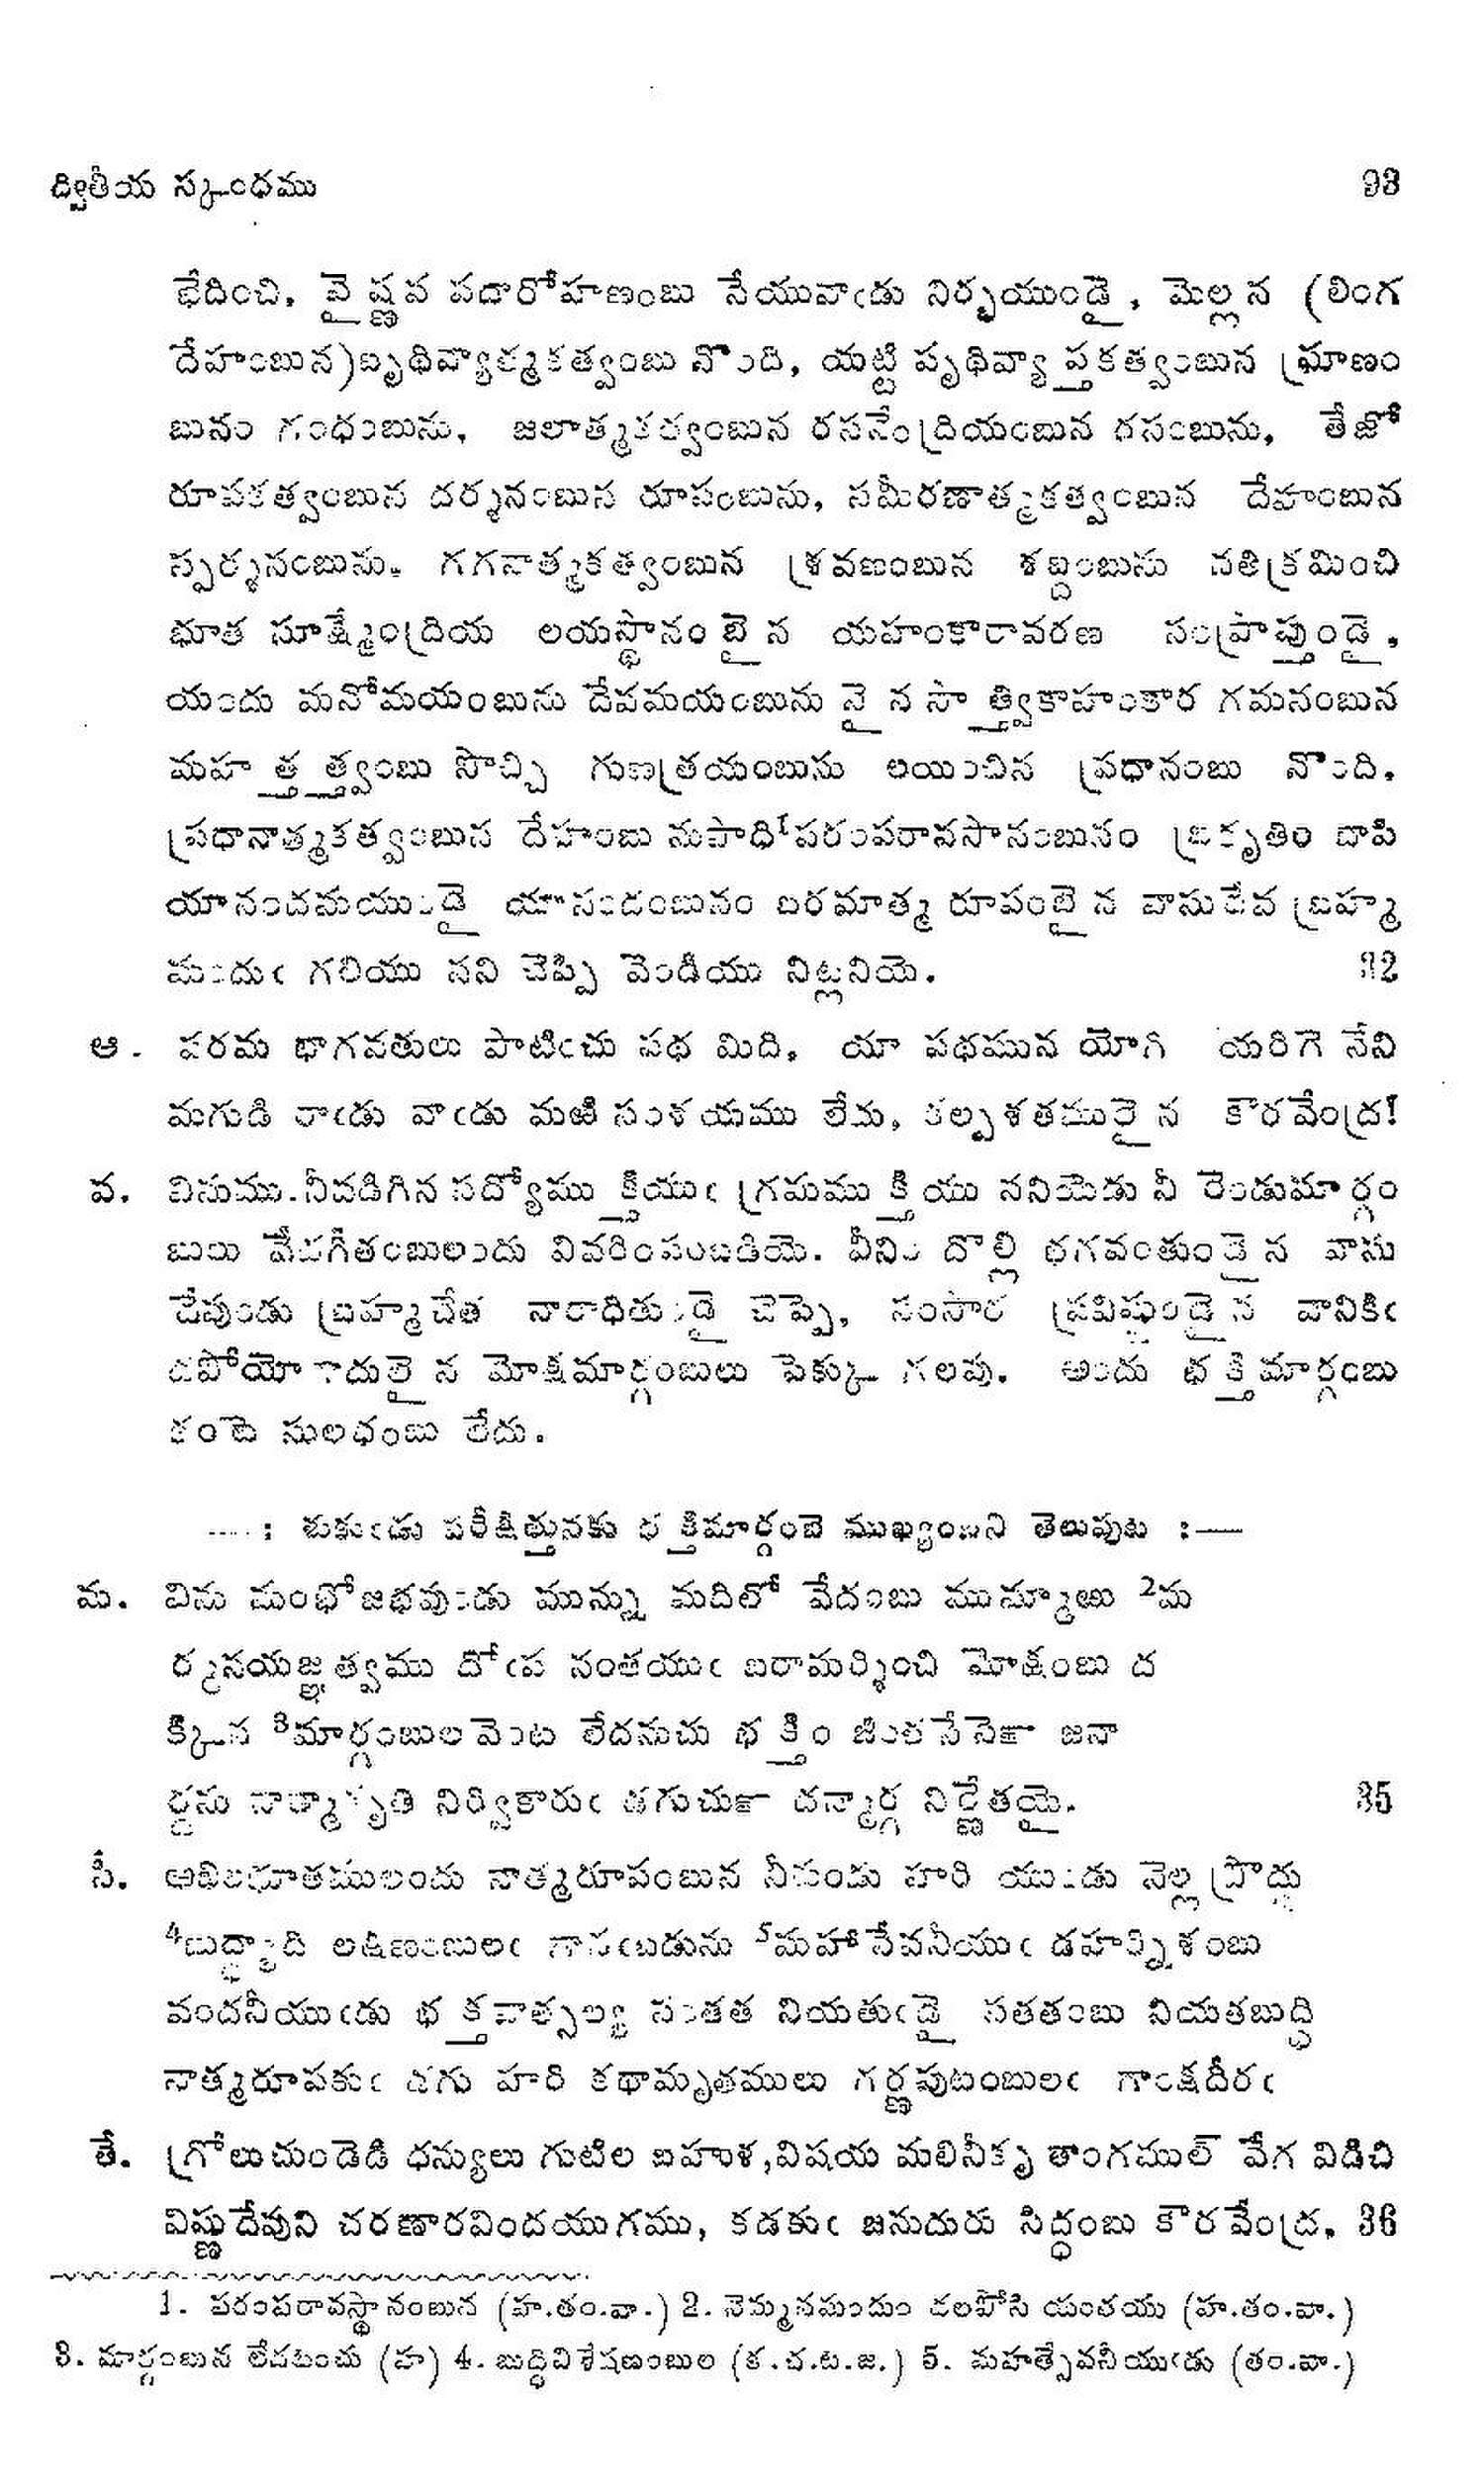93

భేదించి, వైష్ణవ పదారోహణంబు సేయువాఁడ నిర్భయుండై, మెల్లన ( లింగదేహంబున ) 

బృథివ్యాత్మకత్వంబు నొంది, యట్టి పృథివ్యాప్తకత్వంబున ఘ్రాణంబునం గంధంబును, జలాత్మకత్వంబున రసనేంద్రియంబున రసంబున, తేజోరూపకత్వంబున దర్శనంబున 

రూపంబును, సమీరణాత్మకత్వంబున డెహంబున స్పర్శనంబును, గగనాత్మకత్వంబున శ్రవణంబున శబ్దంబును నతిక్రమించి భూత సూక్ష్మేంద్రియ లయస్థానంబైన 

యహంకారావరణ సంప్రాప్తుండై, యందు మనోమయంబును దేవమయంబును నైన సాత్త్వకాహంకార గమనంబున మహత్తత్త్వంబున సొచ్చి గుణత్రయంబును లయించిన 

ప్రధానంబు నొంది, ప్రధానాత్మకత్వంబున దేహంబు నుపాధి పరంపరావసానంబునం బ్రకృతిం బాపి యానందమయుండై యానందంబునం బరమాత్మ రూపంబైన వాసుదేవ 

బ్రహ్మమందుఁ గలియు నని చెప్పి వెండియు నిట్లనియె. ( 32 ).

ఆ. పరమ భాగతులు పాటించు పథ మిది, యా పథమున యోగి యరిగె నేని

మగుడి రాఁడు వాఁడు మఱి సంశయము లేదు, కల్పశతములైన కౌరవేంద్ర ! (33 ).

వ. వినుము. నీవడిగిన సద్యోముక్తియుఁ గ్రామముక్తియు ననియెడు నీ రెండుమార్గంబులు వేదగీతంబులందు వివరింపంబడియె. వీనిం జాల్లి భగవంతుండైన వాసుదేవుండు 

బ్రహచేత నారాధితుండై చెప్పె, సంపార ప్రవిష్టుండైన వానికిఁ కంటె సులభంబు లేదు. ( 34 ).

మ. విను మంభోజభవుండు మున్ను మదిలో వేదంబు ముమ్మాఱు మ

ర్మనయజ్ఞత్వము దోఁప నంతయుఁ బరామర్శించి మోక్షంబు ద

క్కిన మార్గంబులవెంట లేదనుచు భక్తిం జింతసేసెన్ జనా

ర్దను నాత్మకృతి నిర్వికారుఁ డగుచున్ దన్మార్గ నిర్ణేతయై. (35)

సీ. అఖిలభూతములందు నాత్మరూపంబున నీశుండు హరి యుండు నెల్ల ప్రొద్దు

బుద్ధ్యాది లక్షణంబులఁ గానఁబడు మహోసేనీయు డహర్నిశమ్ణూ

వందనీయుఁడు భక్తవాత్సల్య సంతతబు నియతబుద్ధి

నాత్మరూపకుఁ డగు హరి కథామృతములు గర్ణపుటంబుల గాంక్షదీరఁ 

తే. గ్రోలుచుండెడి ధన్యులు గిటిల బహిళ, విషయ మలినీకృతాంగముల్ వేగ విడిచి

విష్ణుదేవుని చరణారవిందయుగము, కడకుఁ జనుదురు సిద్ధంబు కొరవేంద్ర. (36)